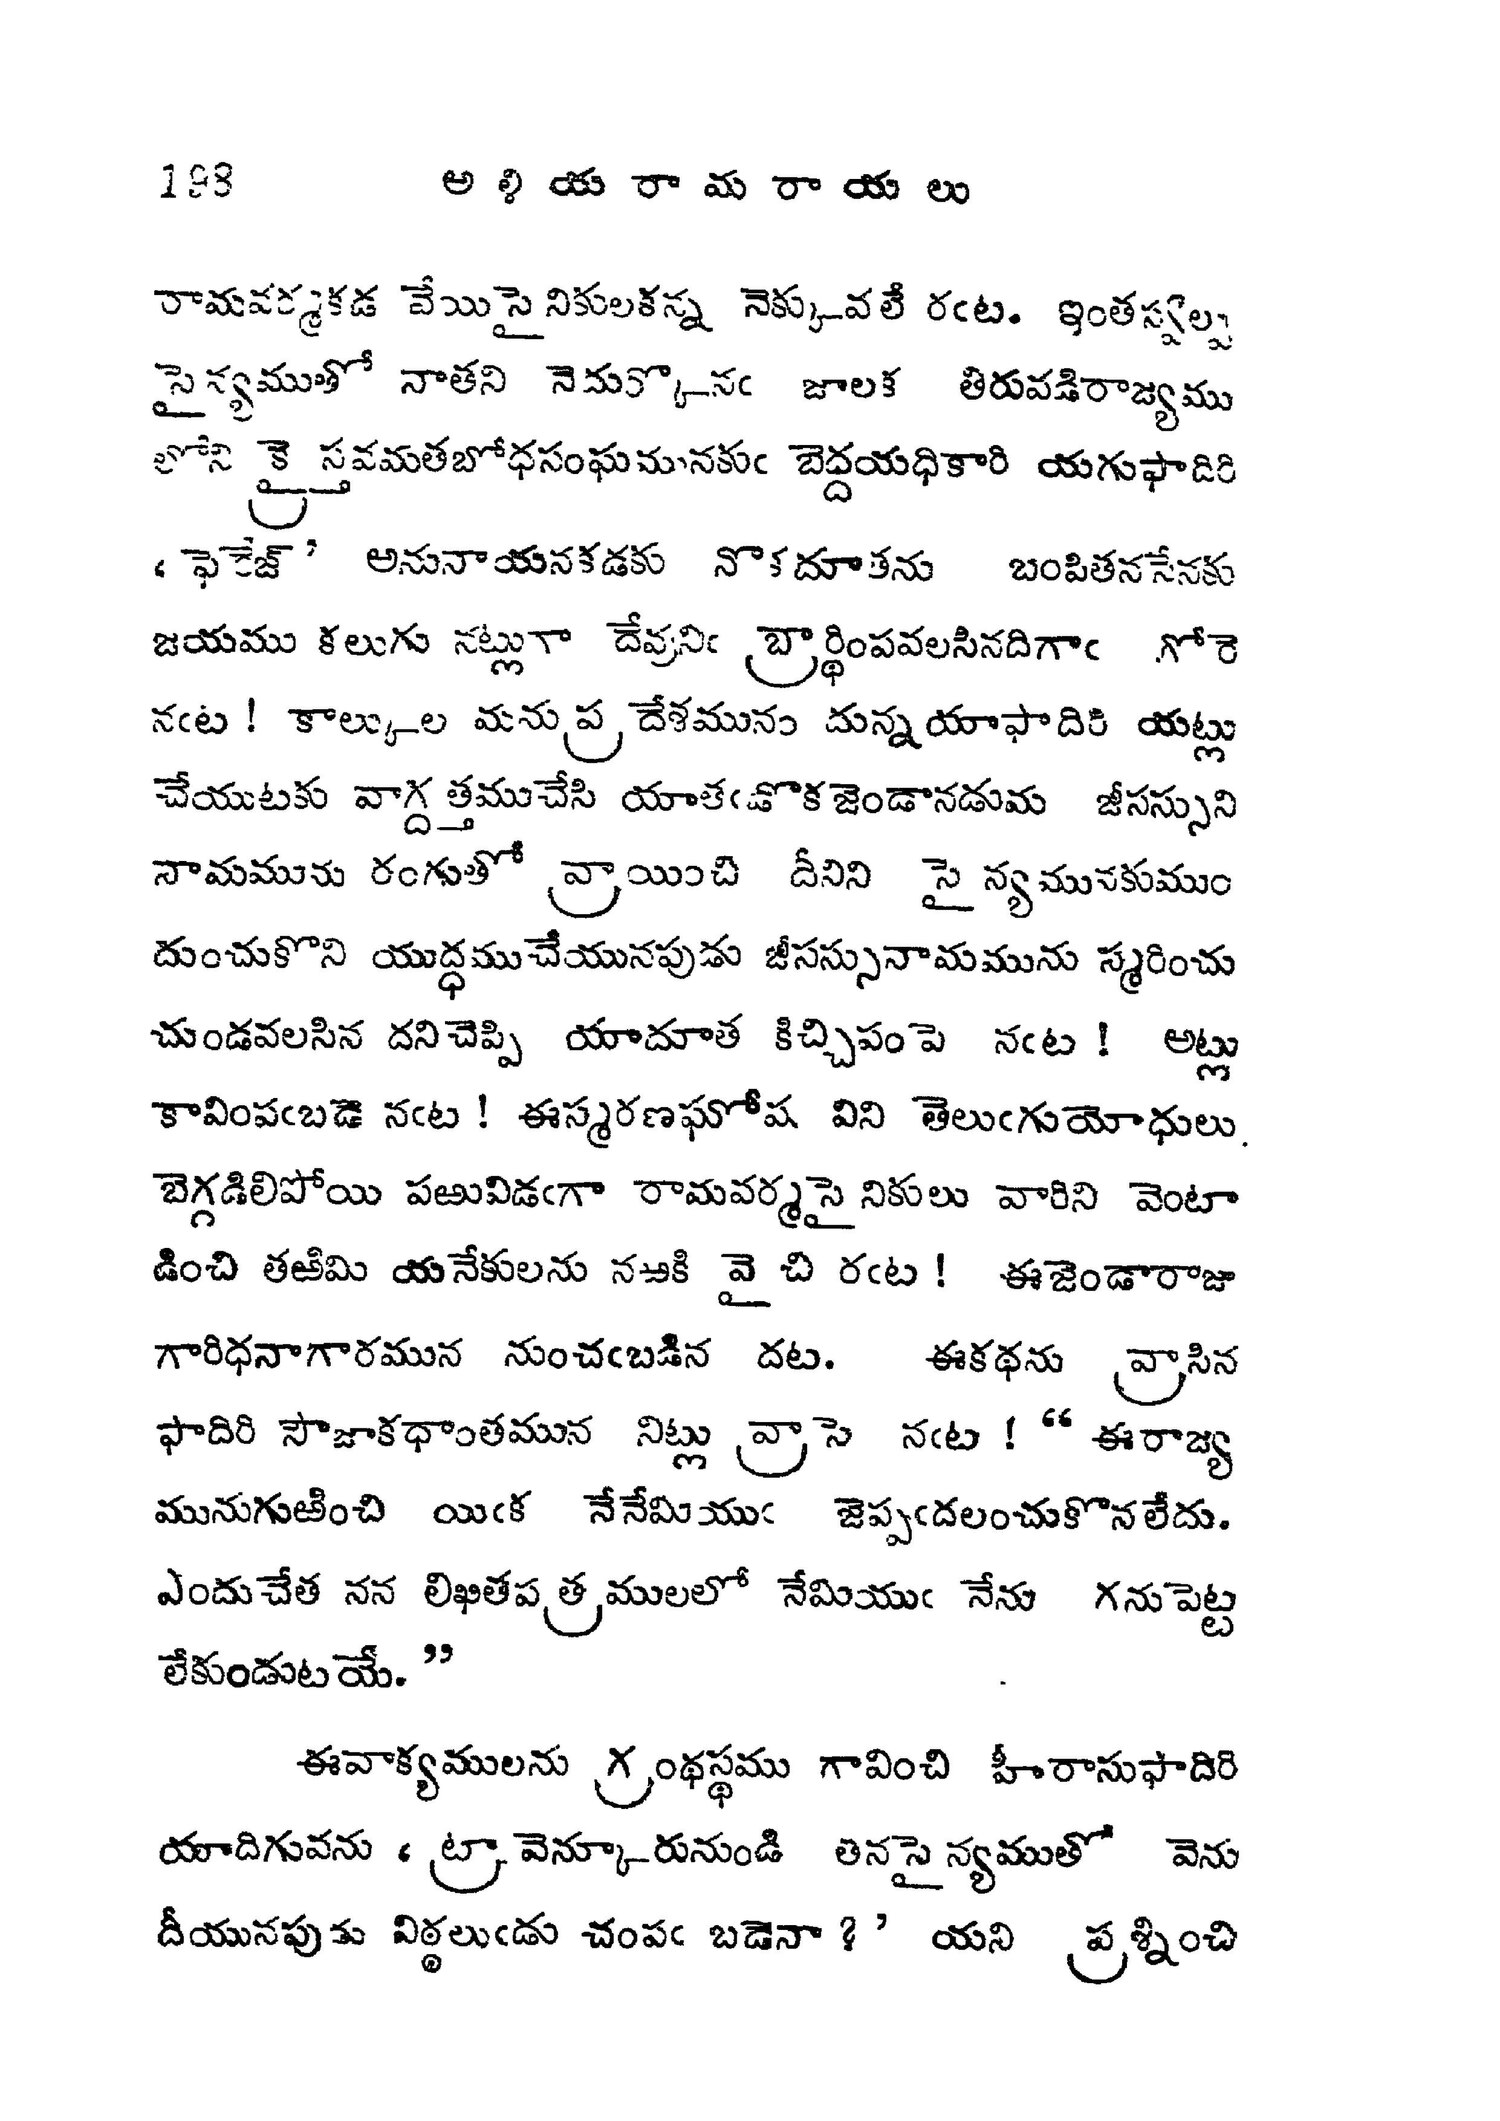రామవర్మకడ వేయిసైనికులకన్న నెక్కువలే రట. ఇంతస్వల్ప సైన్యముతో నాతని నెదుర్కొన జాలక తిరువడిరాజ్యములోని క్రైస్తవమతబోధసంఘమునకు బెద్దయధికారి యగుఫాదిరి 'ఫెరేజ్‌' అనునాయనకడకు నొకదూతను బంపితనసేనకు జయము కలుగు నట్లుగా దేవుని బ్రార్థింపవలసినదిగా గోరె నట ! కాల్కుల మనుప్రదేశమునం దున్నయాఫాదిరి యట్లు చేయుటకు వాగ్దత్తచేసి యాతడొక జెండానడుమ జీసస్సుని నామమును రంగుతో వ్రాయించి దీనిని సైన్యమునకు ముందుంచుకొని యుద్ధముచేయునపుడు జీసస్సునామమును స్మరించు చుండవలసిన దనిచెప్పి యాదూత కిచ్చిపంపె నట ! అట్లు కావింపబడె నట ! ఈస్మరణఘోష విని తెలుగుయోధులు బెగ్గడిలిపోయి పఱువిడగా రామవర్మసైనికులు వారిని వెంటాడించి తఱిమి యనేకులను నఱకి వైచి రట ! ఈజెండా రాజుగారి ధనాగారమున నుంచబడిన దట. ఈకథను వ్రాసిన ఫాదిరి సౌజాకధాంతమున నిట్లు వ్రాసె నట ! "ఈరాజ్యమునుగుఱించి యిక నేనేమియు జెప్పదలంచుకొనలేదు. ఎందుచేత నన లిఖితపత్రములలో నేమియు నేను గనుపెట్ట లేకుండుటయే."

ఈవాక్యములను గ్రంథస్థము గావించి హీరాసుఫాదిరి యాదిగువను 'ట్రావెన్కూరునుండి తనసైన్యముతో వెనుదీయునపుడు విఠ్ఠలుడు చంప బడెనా ?' యని ప్రశ్నించి